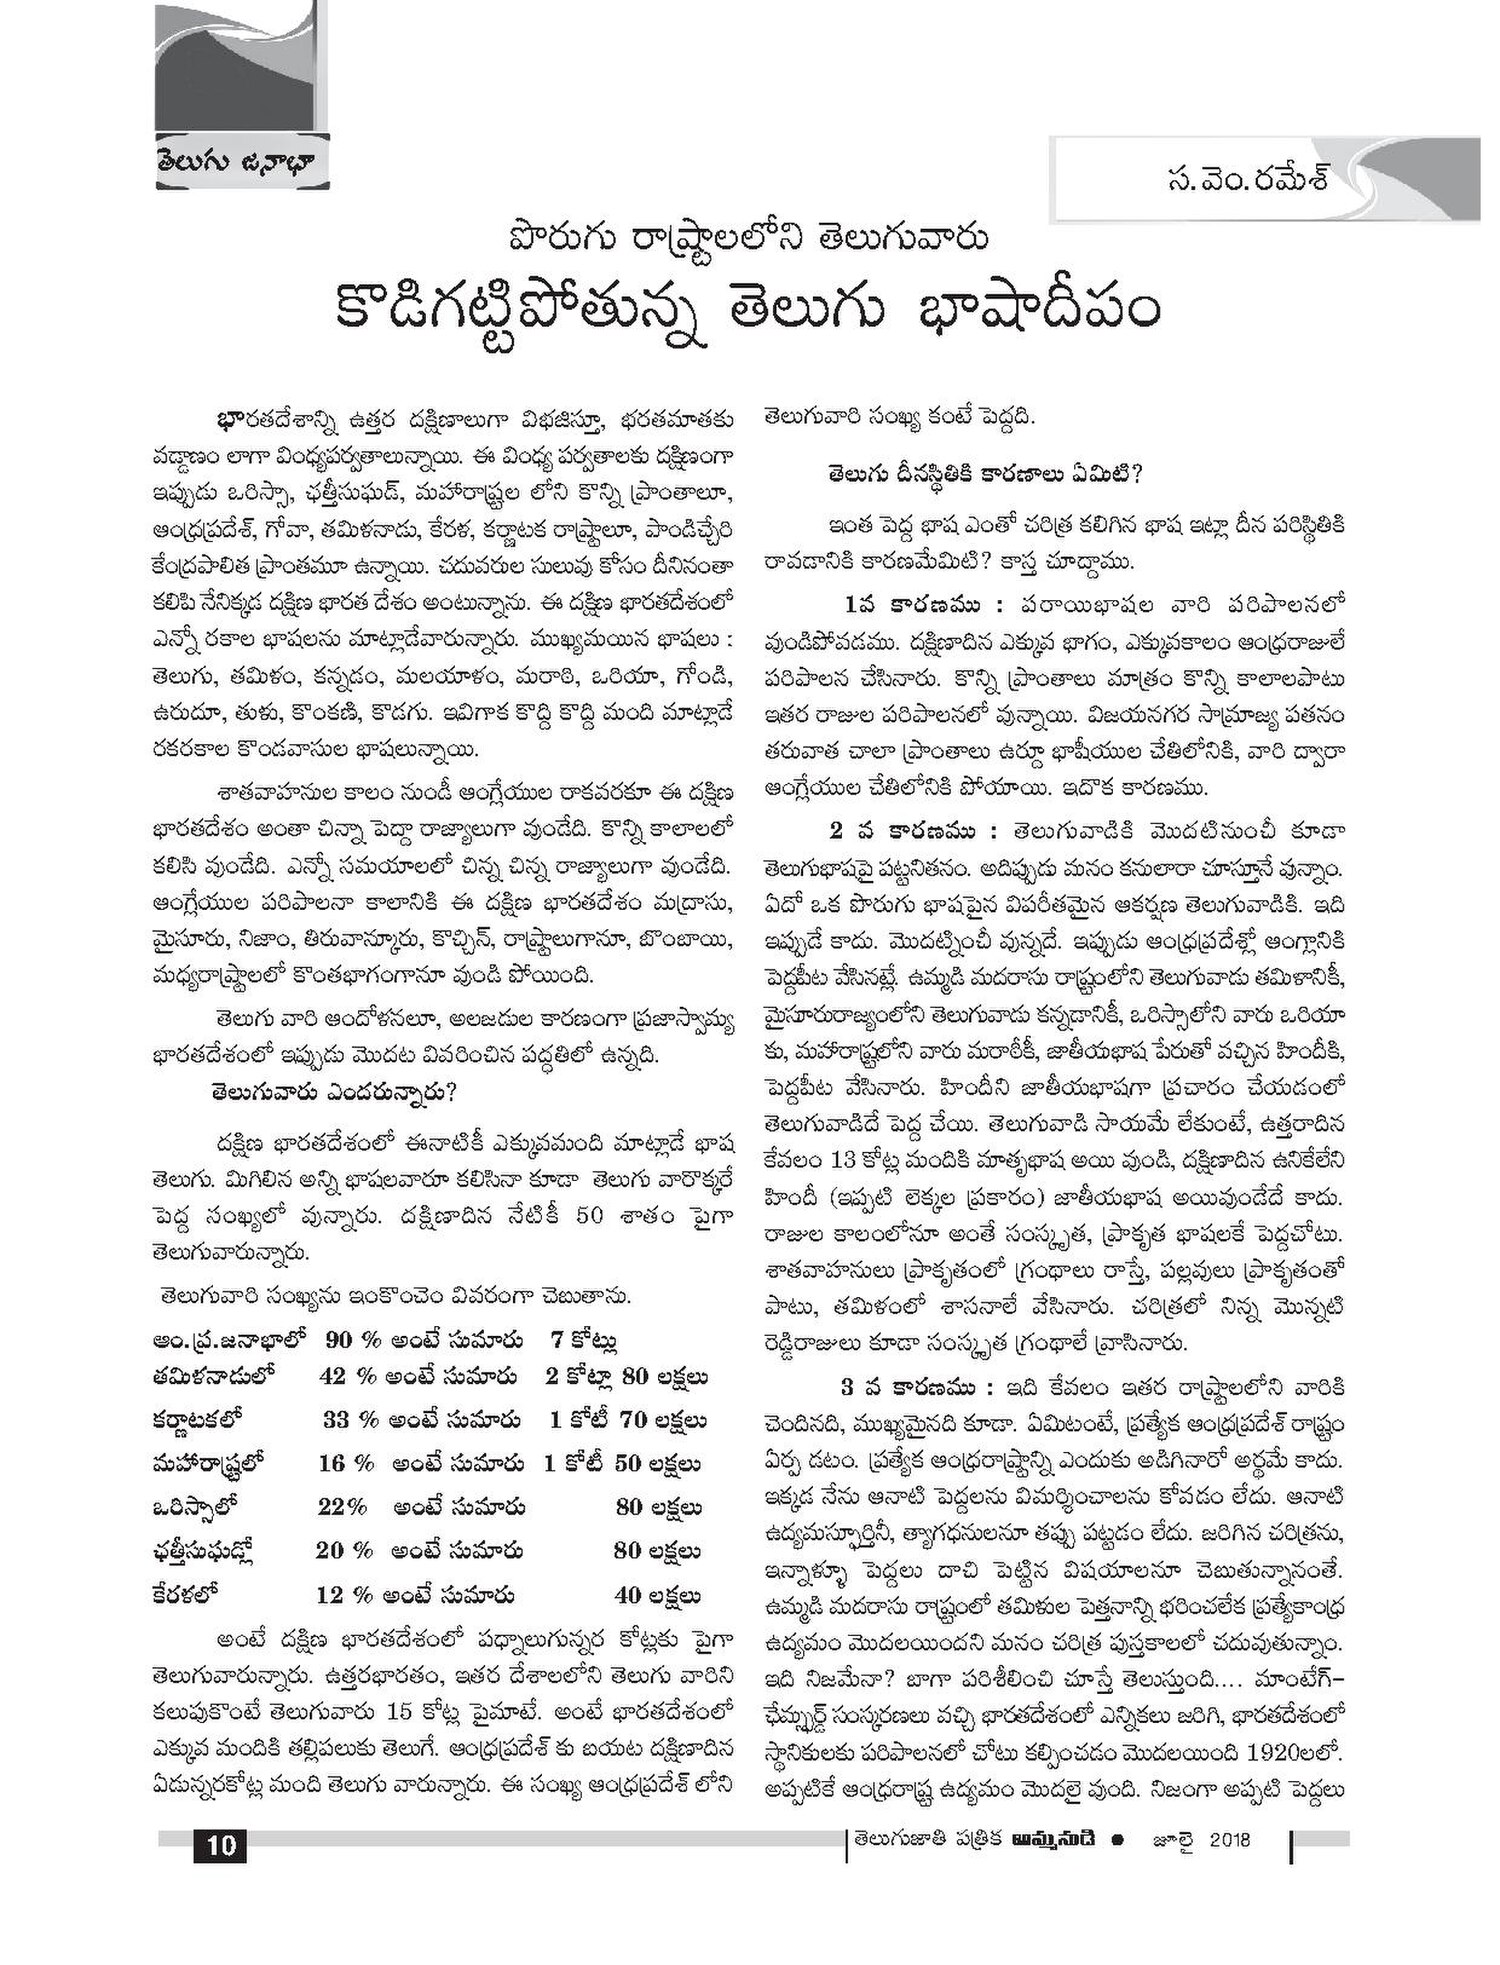భారతదేశాన్ని ఉత్తర దక్షిణాలుగా విభజిస్తూ, భరతమాతకు వడ్డాణం లాగా వింధ్యపర్వతాలున్నాయి. ఈ వింధ్య పర్వతాలకు దక్షిణంగా ఇప్పుడు ఒరిస్సా, ఛత్తీసుగడ్, మహారాష్ట్రల లోని కొన్ని ప్రాంతాలూ, ఆంధ్రప్రదేశ్, గోవా, తమిళనాడు, కేరళ, కర్ణాటక రాష్ట్రాలూ, పాండిచ్చేరీ కేంద్రపాలిత ప్రాంతమూ ఉన్నాయి. చదువరుల సులువు కోసం దీనినంతా కలిపి నేనిక్కడ దక్షిణ భారత దేశం అంటున్నాను. ఈ దక్షిణ భారతదేశంలో ఎన్నో రకాల భాషలు మాట్లాడేవారున్నారు. ముఖ్యమైన భాషలు: తెలుగు, తమిళం, కన్నడం, మలయాళం, మరాఠి, ఒరియా, గోండి, ఉరుదూ, తుళు, కొంకణి, కొడగు. ఇవిగాక కొద్ది కొద్ది మంది మాట్లాడే రకరకాల కొండవాసుల భాషలున్నాయి.

శాతవాహనుల కాలం నుండీ ఆంగ్లేయుల రాకవరకూ ఈ దక్షిణ భారతదేశం అంతా చిన్నా పెద్దా రాజ్యాలుగా వుండేది. కొన్ని కాలాలలో కలిసి వుండేది. ఎన్నో సమయాలలో చిన్న చిన్న రాజ్యాలుగా వుండేది. ఆంగ్లేయుల పరిపాలనా కాలానికి ఈ దక్షిణ భారతదేశం మద్రాసు, మైసూరు, నిజాం, తిరువాన్కూరు, కొచ్చిన్, రాష్ట్రాలుగానూ, బొంబాయి, మధ్యరాష్ట్రాలలో కొంతభాగంగానూ వుండి పోయింది.

తెలుగు వారి ఆందోళనలూ, అలజడుల కారణంగా ప్రజాస్వామ్య భారతదేశంలో ఇప్పుడు మొదట వివరించిన పద్ధతిలో ఉన్నది.

తెలుగువారు ఎందరున్నారు?

దక్షిణ భారతదేశంలో ఈనాటికీ ఎక్కువమంది మాట్లాడే భాష తెలుగు. మిగిలిన అన్ని భాషలవారూ కలిసినా కూడా తెలుగు వారొక్కరే పెద్ద సంఖ్యలో వున్నారు. దక్షిణాదిన నేటికీ 50 శాతం పైగా తెలుగువారున్నారు.

తెలుగువారి సంఖ్యను ఇంకొంచెం వివరంగా చెబుతాను.

ఆం. ప్ర. జనాభాలో 90% అంటే సుమారు 7 కోట్లు

తమిళనాడులో 42% అంటే సుమారు 2 కోట్లా 80 లక్షలు

కర్ణాటకలో 33% అంటే సుమారు 1 కోటీ 70 లక్షలు

మహారాష్ట్రలో 16% అంటే సుమారు 1 కోటీ 50 లక్షలు

ఒరిస్సాలో 22% అంటే సుమారు 80 లక్షలు

ఛత్తీసుఘడ్లో 20% అంటే సుమారు 80 లక్షలు

కేరళలో 12% అంటే సుమారు 40 లక్షలు

అంటే దక్షిణ భారతదేశంలో పద్నాలుగున్నర కోట్లకు పైగా తెలుగువారు ఉన్నారు. ఉత్తరభారతం, ఇతర దేశాలలోని తెలుగువారిని కలుపుకుంటే తెలుగువారు 15 కోట్ల పైమాటే. అంటే భారతదేశంలో ఎక్కువమందికి తల్లిపలుకు తెలుగే. ఆంధ్రప్రదేశ్ కు బయట దక్షిణాదిన ఏడున్నరకోట్ల మంది తెలుగు వారున్నారు. ఈ సంఖ్య ఆంధ్రప్రదేశ్ లోని తెలుగువారి సంఖ్య కంటే పెద్దది

తెలుగు దీనస్థితి కి కారణాలు ఏమిటి?

ఇంత పెద్ద భాష ఎంతో చరిత్ర కలిగిన భాష ఇట్లా దీన పరిస్థితికి రావడానికి కారణం ఏమిటి? కాస్త చూద్దాము.

1 వ కారణము: పరాయిభాషల వారి పరిపాలనలో వుండిపోవడము. దక్షిణాదిన ఎక్కువ భాగం, ఎక్కువకాలం ఆంధ్రరాజులే పరిపాలన చేసినారు. కొన్ని ప్రాంతాలు మాత్రం అన్ని కాలాలపాటు ఇతర రాజుల పరిపాలనలో వున్నాయి. విజయనగర సామ్రాజ్య పతనం తరువాత చాలా ప్రాంతాలు ఉర్దూ భాషీయుల చేతిలోనికి, వారి ద్వారా ఆంగ్లేయుల చేతిలోనికి పోయాయి. ఇదొక కారణము.

2 వ కారణము: తెలుగువాడికి మొదటినుంచీ కూడా తెలుగుభాషపై పట్టనితనం. అదిప్పుడు మనం కనులారా చూస్తూనే వున్నాం. ఏదో ఒక పొరుగు భాషపైన విపరీతమైన ఆకర్షణ తెలుగువాడికి. ఇది ఇప్పుడే కాదు. మొదట్నించీ వున్నదే. ఇప్పుడు ఆంధ్రప్రదేశ్లో ఆంగ్లానికి పెద్దపీట వేసినట్లే. ఉమ్మడి మద్రాసు రాష్ట్రంలోని తెలుగువాడు తమిళానికీ, మైసూరురాజ్యంలోని తెలుగువాడు కన్నడానికి, ఒరిస్సాలోని వారు ఒరియాకు, మహారాష్ట్రలోని వారు మరాఠీకి, జాతీయభాష పేరుతో వచ్చిన హిందీకి, పెద్దపీట వేసినారు హిందీని జాతీయభాషగా ప్రచారం చేయడంలో తెలుగువాడిదే పెద్ద చేయి. తెలుగువాడి సాయమే లేకుంటే ఉత్తరాదిన కేవలం 13 కోట్ల మందికి మాతృభాష అయి వుండి, దక్షిణాదిన ఉనికేలేని హిందీ ( ఇప్పటి లెక్కల ప్రకారం) జాతీయభాష అయిఉండేదే కాదు. రాజుల కాలంలోనూ అంతే సంస్కృత ప్రాకృత భాషలకే పెద్దచోటు. శాతవాహనులు ప్రాకృతంలో గ్రంథాలు రాస్తే, పల్లవులు ప్రాకృతంతో పాటు తమిళంలో శాసనాలే వేసినారు చరిత్రలో నిన్న మొన్నటి రెడ్డిరాజులు కూడా సంస్కృత గ్రంథాలే వ్రాసినారు.

3 కారణము: ఇది కేవలం ఇతర రాష్ట్రాల్లోని వారికి చెందినది, ముఖ్యమైనది కూడా ఏమిటంటే ప్రత్యేక ఆంధ్రప్రదేశ్ రాష్ట్రం ఏర్ప డటం ప్రత్యేక ఆంధ్రరాష్ట్రాన్ని ఎందుకు అడిగినారో అర్థమే కాదు ఇక్కడ నేను ఆనాటి పెద్దలను విమర్శించాలను కోవడం లేదు ఆనాటి ఉద్యమస్ఫూర్తిని త్యాగధనులనూ తప్పు పట్టడం లేదు. జరిగిన చరిత్రను, ఇన్నాళ్లూ పెద్దలు దాచి పెట్టిన విషయాలను చెబుతున్నానంతే. ఉమ్మడి మదరాసు రాష్ట్రంలో తమిళుల పెత్తనాన్ని భరించలేక ప్రత్యేకాంధ్ర ఉద్యమం మొదలయిందని మనం చరిత్ర పుస్తకాలలో చదువుతున్నాం ఇది నిజమేనా ? బాగా పరిశీలించి చూస్తే తెలుస్తుంది మాంటేగ్-చేమ్స్ఫ్‌ర్డ్ సంస్కరణలు వచ్చి భారతదేశంలో ఎన్నికలు జరిగి భారతదేశంలో స్థానికులకు పరిపాలనలో చోటు కల్పించడం మొదలయింది 1920లలో. అప్పటికే ఆంధ్రరాష్ట్ర ఉద్యమం మొదలైవుంది నిజంగా అప్పటి పెద్దలు